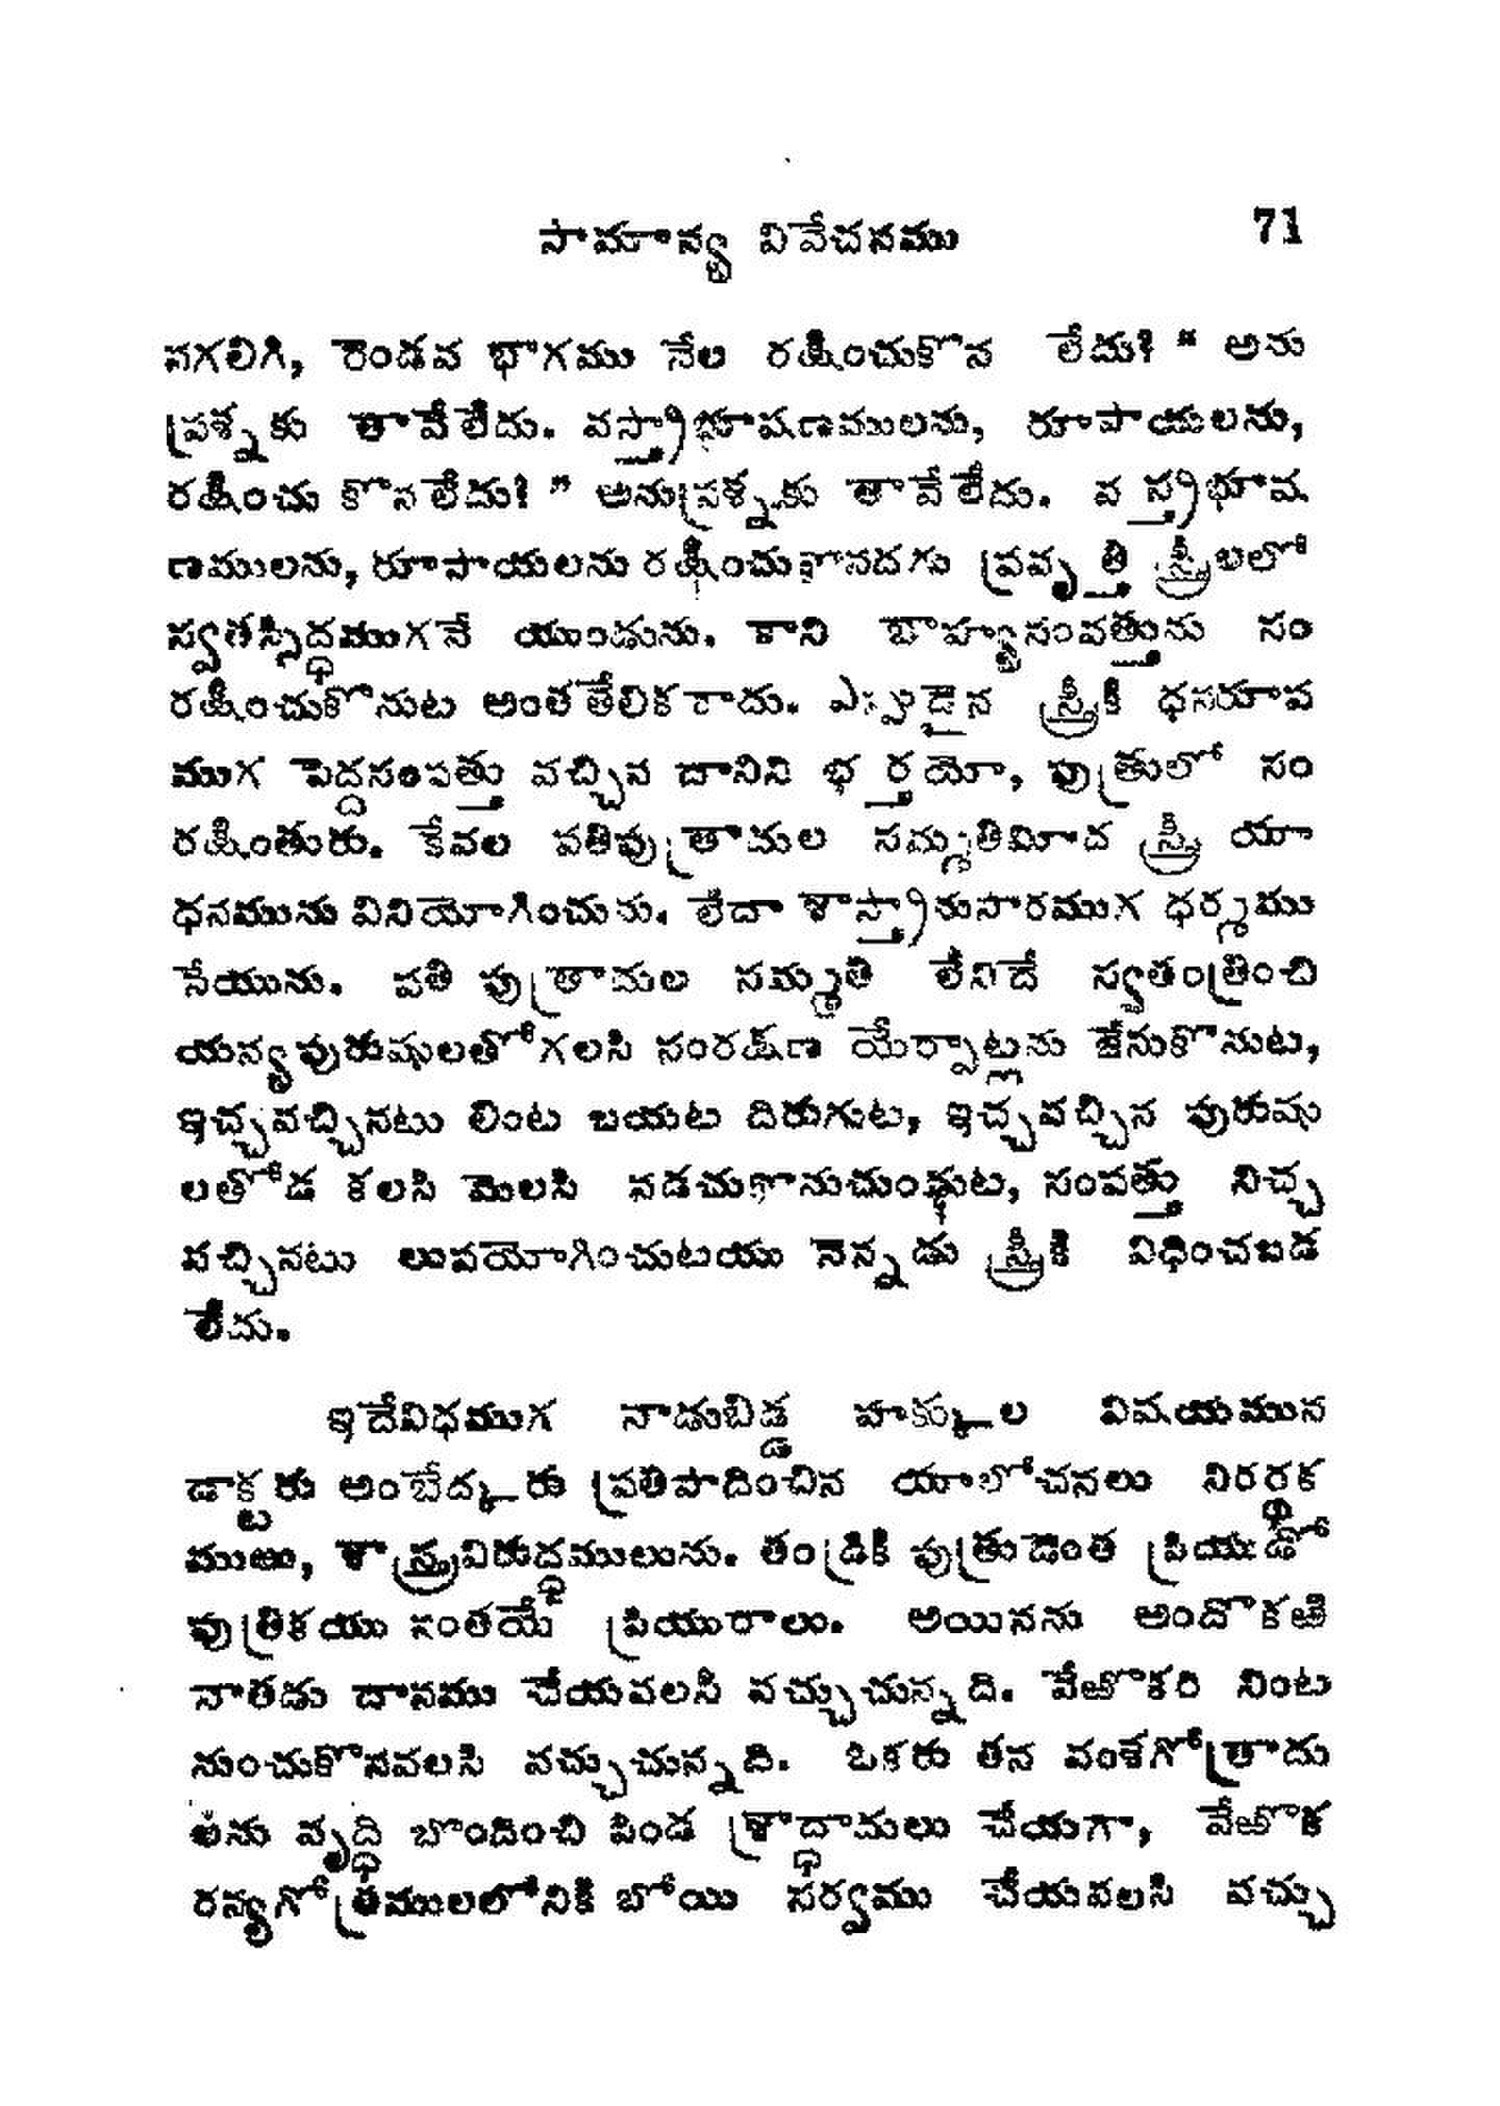న గలిగి, రెండవ భాగము నేల రక్షించుకొన లేదు?" అను
ప్రశ్నకు తావేలేదు. వస్త్రాభూషణములను, రూపాయలను,
రక్షించు కొనలేదు! " అనుప్రశ్నకు తావేలేదు. వస్త్రభూషణములను, 
రూపాయలను రక్షించుకొనదగు ప్రవృత్తి స్త్రీలలో
స్వతస్సిద్ధముగనే యుండును, కాని బాహ్యసంపత్తును 
సంరక్షించుకొనుట అంత తేలికకాదు. ఎప్పుడైన స్త్రీకి ధనరూప
ముగ పెద్దసంపత్తు వచ్చిన దానిని భర్తయో, పుత్రులో సంరక్షింతురు. 
కేవల పతిపుత్రాదుల సమ్మతిమీద స్త్రీ యా ధనమును వినియోగించును. 
లేదా శాస్త్రానుసారముగ ధర్మము సేయును. పతి పుత్రాదుల నమ్మతి 
లేనిదే స్వతంత్రించి యన్యపురుషులతో గలసి సంరక్షణ యేర్పాట్లను 
జేసుకొనుట, ఇచ్చవచ్చినటు లింట బయట దిరుగుట, ఇచ్చవచ్చిన 
పురుషులతోడ కలసి మెలసి నడచుకొనుచుండుట, సంపత్తు నిచ్చ
వచ్చినటు లువయోగించుటయు నెన్నడు స్త్రీకి విధించబడలేదు.

ఇదేవిధముగ నాడుబిడ్డ హక్కుల విషయమున
డాక్టరు అంబేద్కరు ప్రతిపాదించిన యాలోచనలు నిరర్థకములు, 
శాస్త్రవిరుద్ధములును. తండ్రికి పుత్రుడెంత ప్రియుడో
పుత్రికయు నంతయే ప్రియురాలు. అయినను అందొకఱి
నాతడు దానము చేయవలసి వచ్చుచున్నది. వేఱొకరి నింట
నుంచుకొనవలసి వచ్చుచున్నది. ఒకరు తన వంశగోత్రాదు
లను వృద్ధి బొందించి పిండ శ్రాద్ధాదులు చేయగా, వేఱొక
రన్యగోత్రములలోనికి బోయి సర్వము చేయవలసి వచ్చు